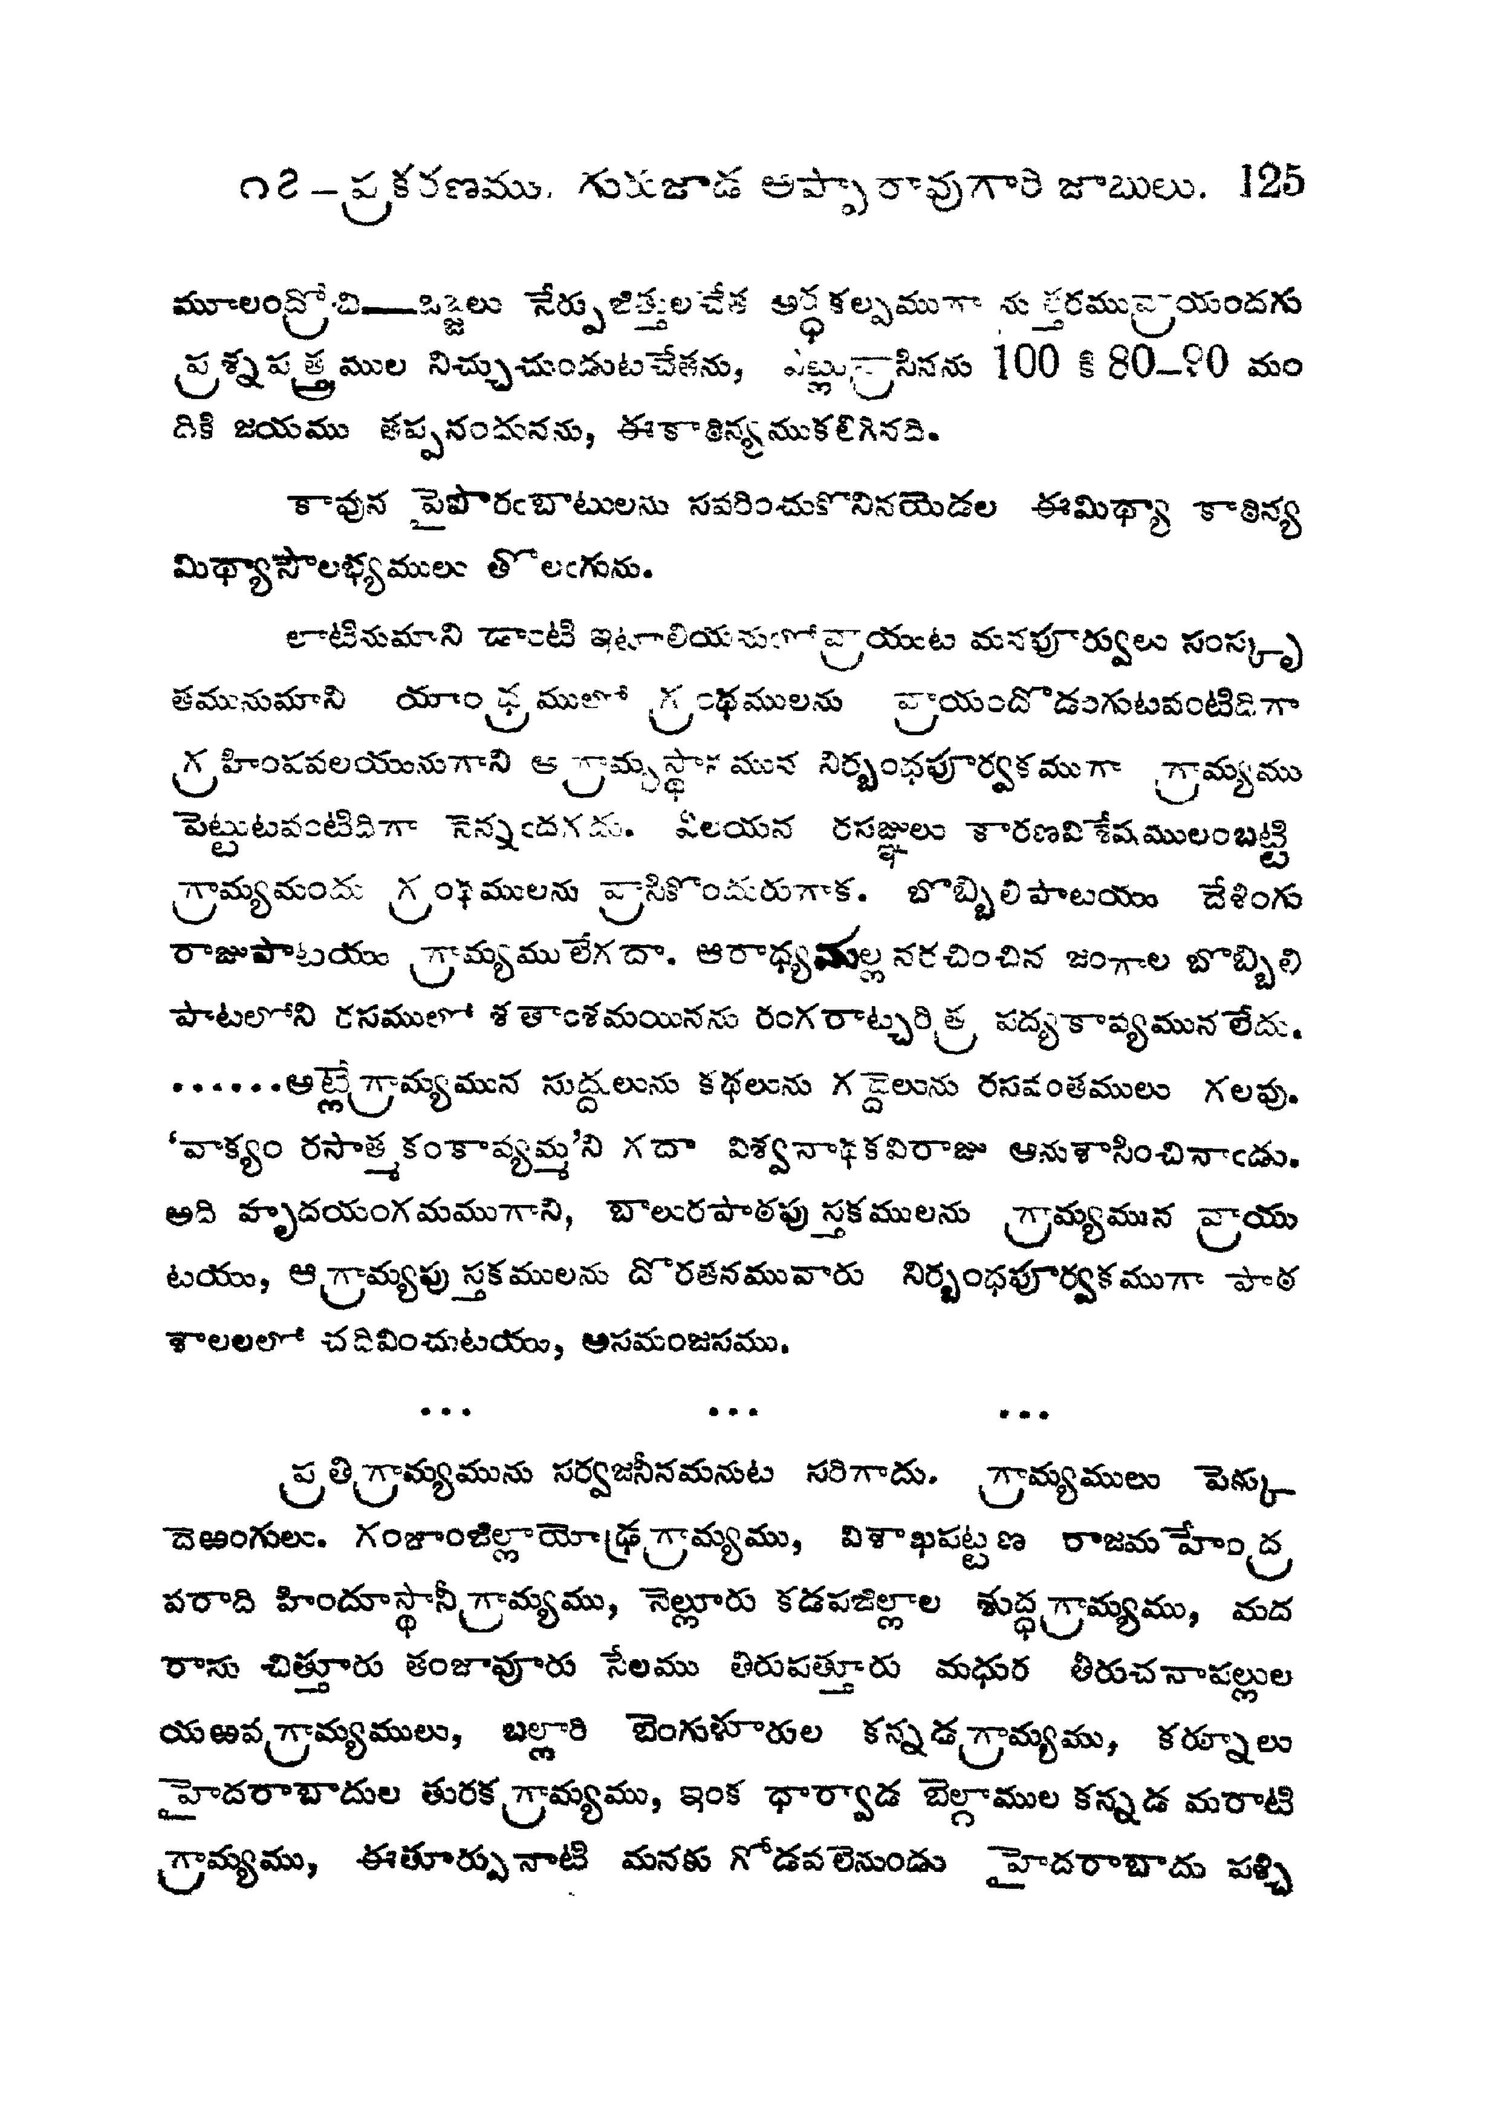మూలంద్రోచి - ఒజ్జలు నేర్పుజిత్తులచేత అర్ధకల్పముగా నుత్తరమువ్రాయందగు ప్రశ్నపత్త్రముల నిచ్చుచుండుటచేతను, ఎట్లువ్రాసినను 100 కి 80-90 మందికి జయము తప్పనందునను, ఈకాఠిన్యముకలిగినది.

కావున పైపొరబాటులను సవరించుకొనినయెడల ఈమిథ్యా కాఠిన్య మిథ్యాసౌలభ్యములు తొలగును.

లాటినుమాని డాంటి ఇటాలియనులోవ్రాయుట మనపూర్వులు సంస్కృతమునుమాని యాంధ్రములో గ్రంథములను వ్రాయందొడంగుట వంటిదిగా గ్రహింపవలయునుగాని అగ్రామ్యస్థానమున నిర్బంధపూర్వకముగా గ్రామ్యము పెట్టుటవంటిదిగా నెన్నదగదు. ఏలయన రసజ్ఞులు కారణవిశేషములంబట్టి గ్రామ్యమందు గ్రంథములను వ్రాసికొందురుగాక, బొబ్బిలిపాటయు దేశింగురాజు పాటయు గ్రామ్యములేగదా, ఆరాధ్యమల్లనరచించిన జంగాల బొబ్బిలి పాటలోని రసములో శతాంశమయినను రంగరాట్చరిత్ర పద్యకావ్యమునలేదు.....అట్లేగ్రామ్యమున సుద్దులును కథలును గద్దెలును రసవంతములు గలవు. 'వాక్యం రసాత్మకంకావ్యమ్మ'ని గదా విశ్వనాథకవిరాజు అనుశాసించినాడు. అది హృదయంగమముగాని, బాలురపాఠపుస్తకములను గ్రామ్యమున వ్రాయుటయు, ఆగ్రామ్యపుస్తకములను దొరతనమువారు నిర్బంధపూర్వకముగా పాఠశాలలో చదివించుటయు, అసమంజసము.

ప్రతిగ్రామ్యమును సర్వజనీనమనుట సరిగాదు. గ్రామ్యములు పెక్కుదెఱంగులు. గంజాంజీల్లా యోడ్రగ్రామ్యము, విశాఖపట్టణ రాజమేహేంద్రవరాది హిందూస్థానీగ్రామ్యము, నెల్లూరు కడపజిల్లాల శుద్ధగ్రామ్యము, మదరాసు చిత్తూరు తంజావూరు సేలము తిరుపత్తూరు మధుర తిరుచనాపల్లుల యఱవ గ్రామ్యములు, బల్లారి బెంగుళూరుల కన్నడగ్రామ్యము, కర్నూలు హైదరాబాదుల తురకగ్రామ్యము,, ఇంక ధార్వాడ బెల్గాముల కన్నడ మరాటి గ్రామ్యము, ఈతూర్పునాటి మనకు గోడవలెనుండు హైదరాబాదు పశ్చి